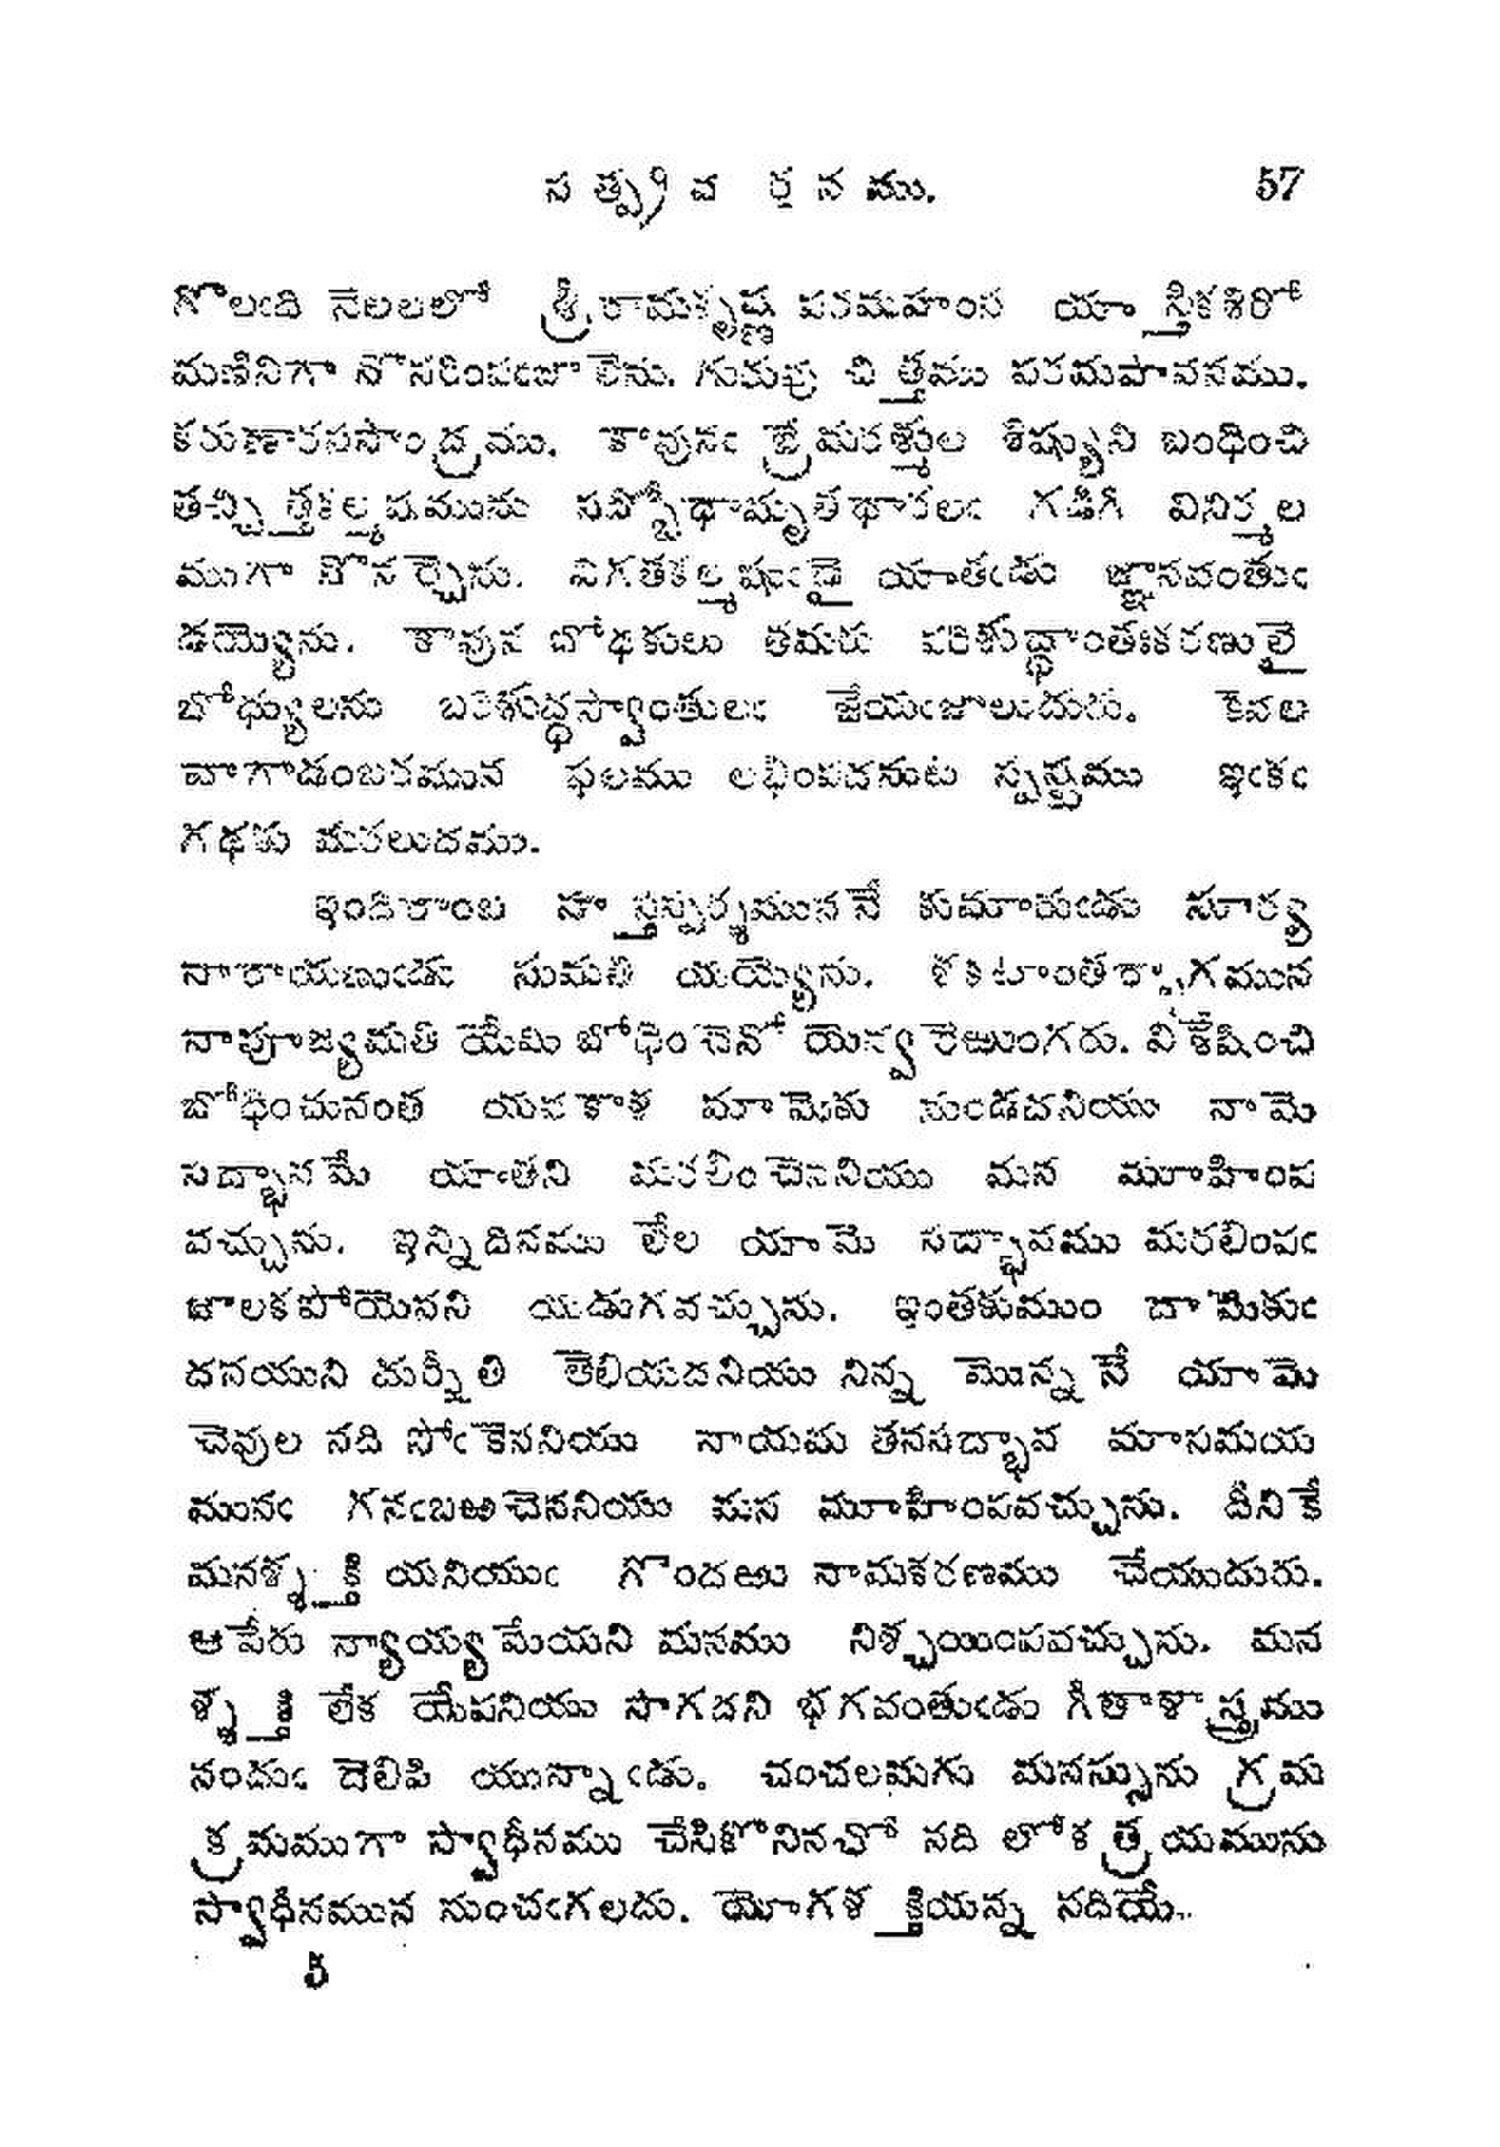గొలంది నెలలలో శ్రీ రామకృష్ణ పరమహంస యాస్తిక శిరో మణినిగా నొనరింపజాలెను. . గురువు చిత్తము పరమపావనము, కరుణారససాంద్రము. కావున బ్రేమరశ్ముల శిష్యుని బంధించి తత్చిత్తకల్మషమును సద్బ్కోథామృత ధారల గడిగి వినిర్మలముగా నొనర్చెను. విగతకల్మషం యాతడు జ్ఞానవంతుఁ డయ్యెను. కావున బోధకులు తమకు పరిశుద్దాంతః కరణులై భోధ్యులను బారిశుద్దత్మకులం జేయఁ జూలుదురు. కేవల వాగాడంబరమున ఫలము లభించనుట స్పస్టము ఇఁకఁ గడకు మరలుదము.

ఇందిరాంబ హస్తస్పర్శముననే కుచూపుండె సూర్య నారాయణుడు. సుమతి యయ్యెను. శకటాంర్భాగమున నాపూజ్యమతి యేమి బోధించెనో యెవ్వ్రరెంరుంగరు. విశ్లేషించి బోధించునంత యవ కాశమామెకు నుండదనియు నామె సద్భావనమే యాతని మరలించే ననియు మన మూహింప వచ్చును. ఇన్ని దినము లేల యామె సద్భావము మరలింపు జాలకపోయెనని యడుగవచ్చును. ఇంతకుముం దామెకు దనయుని దుర్నీతి తెలియదనియు నిన్నమొన్ననే యామె చెవుల నంటి సోఁకెననియు నాయమ తనసద్భాన మాసమయ ముసల గసంబఱ చెననియు మనమూహింపవచ్చును. దీనికే మనశ్శక్తి యనియు నిశ్చయింపవచ్చును. మనశ్శక్తి లేక యేపనియు సొగదని భగవంతుఁడు గీతాశాస్త్రము సందుఁ దెలిపి యున్నాఁడు. చంచలమగు మనస్సును గ్రమ క్రమముగా స్వాధీనము చేసికొనినచో నది లోకాత్రయమును స్వాధీనమున నుంచఁగలదు. యోగశక్తియన్న నదియే..